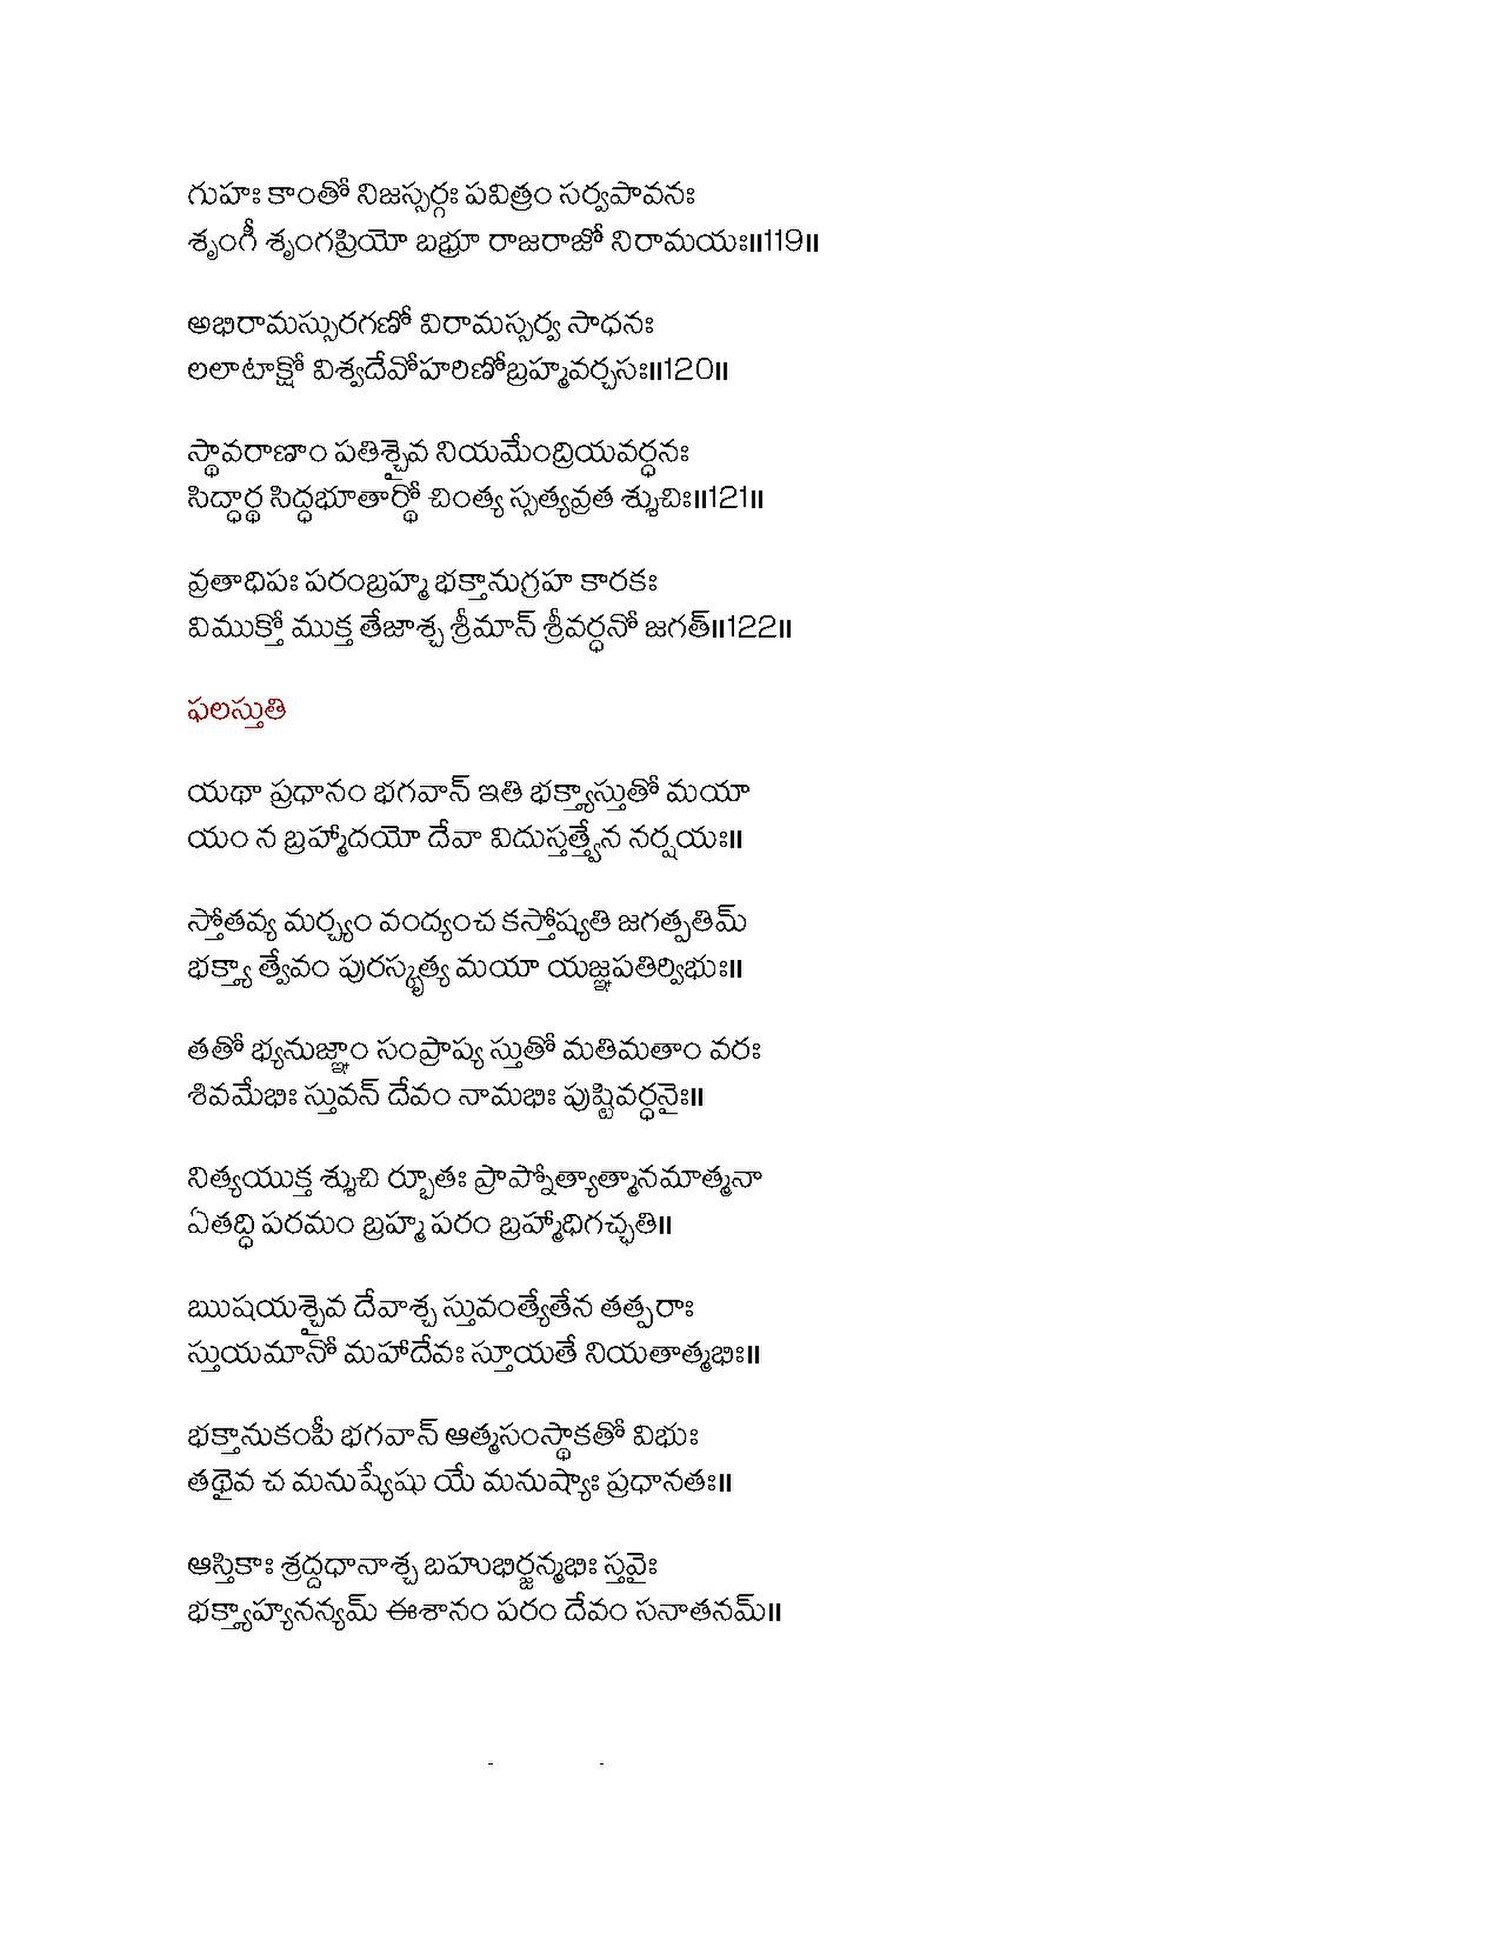గుహః కాంతో నిజస్సర్గః పవిత్రం సర్వపావనః
శృంగీ శృంగప్రియో బభ్రూ రాజరాజో నిరామయః||119 ||

అభిరామస్సురగణో విరామస్సర్వ సాధనః
లలాటాక్షో విశ్వదేవోహరిణోబ్రహ్మవర్చసః||120||

స్థావరాణాం పతిశ్చైవ నియమేంద్రియవర్ధనః
సిద్ధార్థ సిద్ధభూతార్థో చింత్య స్సత్యవ్రత శ్శుచిః|| 121||

వ్రతాధిపః పరంబ్రహ్మ భక్తానుగ్రహ కారకః
విముక్తో ముక్త తేజాశ్చ శ్రీమాన్ శ్రీవర్ధనో జగత్ || 122 ||

ఫలస్తుతి

యథా ప్రధానం భగవాన్ ఇతి భక్త్యాస్తుతో మయా
యం న బ్రహ్మాదయో దేవా వీదుస్తత్త్వేన నర్షయః||

స్తోతవ్య మర్చ్యం వంద్యంచ కస్తోష్యతి జగత్పతిమ్
భక్త్యా త్వేవం పురస్కృత్య మయా యజ్ఞపతిర్విభుః||

తతో భ్యనుజ్జాం సంప్రాప్య స్తుతో మతిమతాం వరః
శివమేభిః స్తువన్ దేవం నామభిః పుష్టివర్ధనైః||

నిత్యయుక్త శ్శుచి ర్భూతః ప్రాప్నోత్యాత్మానమాత్మనా
ఏతద్ధి పరమం బ్రహ్మ పరం బ్రహ్మాధిగచ్ఛతి||

ఋషయశ్చైవ దేవాశ్చ స్తువంత్యేతేన తత్పరాః
స్తుయమానో మహాదేవః స్తూయతే నియతాత్మభిః ||

భక్తానుకంపీ భగవాన్ ఆత్మసంస్థాకతో విభుః
తథైవ చ మనుష్యేషు యే మనుష్యాః ప్రధానతః||

ఆస్తికాః శ్రద్ధధానాశ్చ బహుభిర్జన్మభిః స్తవై
భక్త్యాహ్యనన్యమ్ ఈశానం పరం దేవం సనాతనమ్ ||